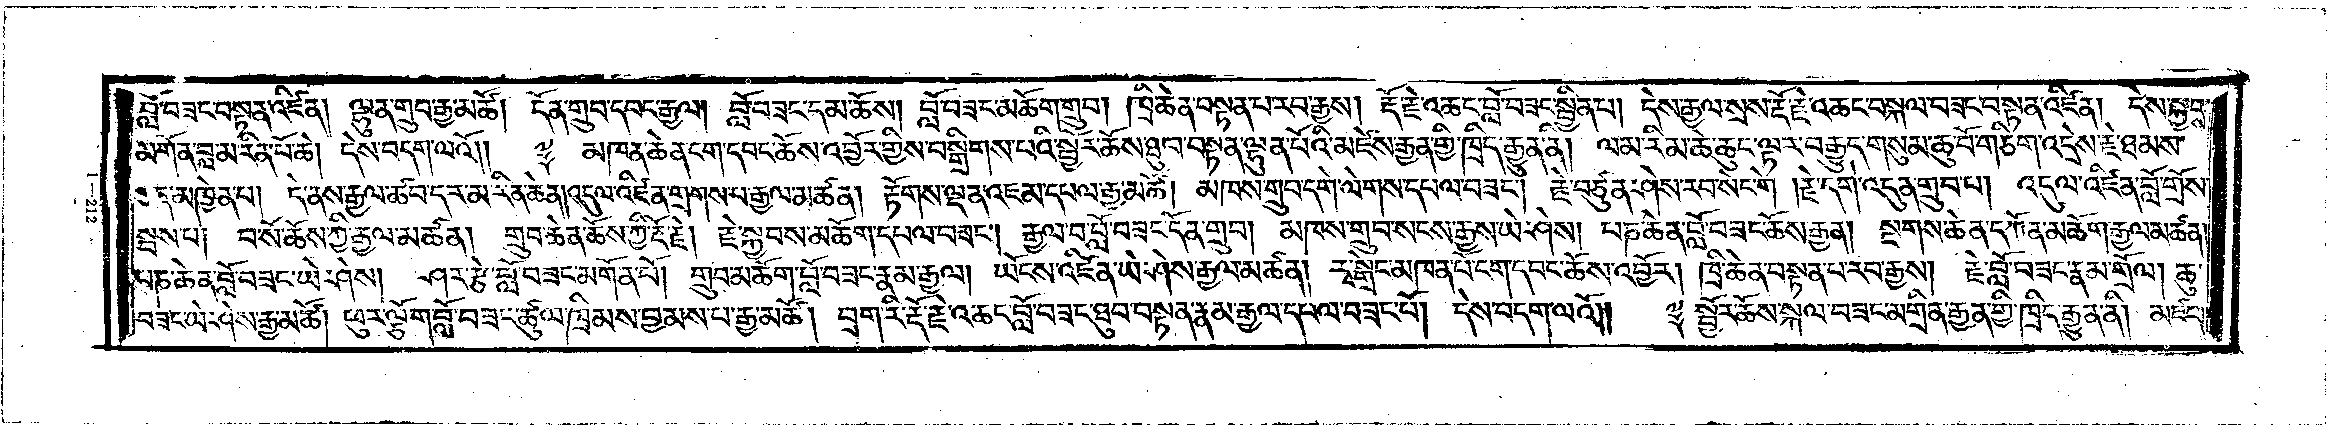བློ་བཟང་བསྟན་འཛིན། ལྷུན་གྲུབ་རྒྱ་མཚོ། དོན་གྲུབ་དབང་རྒྱལ། བློ་བཟང་དམ་ཆོས། བློ་བཟང་མཆོག་གྲུབ། ཁྲི་ཆེན་བསྟན་པ་རབ་རྒྱས། རྡོ་རྗེ་འཆང་བློ་བཟང་སྦྱིན་པ། དེས་རྒྱལ་སྲས་རྡོ་རྗེ་འཆང་བསྐལ་བཟང་བསྟན་འཛིན། དེས་སྐྱབས་
མགོན་བླ་མ་རིན་པོ་ཆེ། དེས་བདག་ལའོ།། འ་མཁན་ཆེན་ངག་དབང་ཆོས་འབྱོར་གྱིས་བསྒྲིགས་པའི་སྦྱོར་ཆོས་ཐུབ་བསྟན་ལྷུན་པོའི་མཛེས་རྒྱན་གྱི་ཁྲིད་རྒྱུན་ནི། ལམ་རིམ་ཆེ་ཆུང་ལྟར་བརྒྱུད་གསུམ་ཆུ་བོ་གཅིག་འདྲེས་རྗེ་ཐམས་
ཅད་མཁྱེན་པ། དེ་ནས་རྒྱལ་ཚབ་དར་མ་རིན་ཆེན། འདུལ་འཛིན་གྲགས་པ་རྒྱལ་མཚན། རྟོགས་ལྡན་འཇམ་དཔལ་རྒྱ་མཚོ། མཁས་གྲུབ་དགེ་ལེགས་དཔལ་བཟང་། རྗེ་བཙུན་ཤེས་རབ་སེང་གེ །རྗེ་དགེ་འདུན་གྲུབ་པ། འདུལ་འཛིན་བློ་གྲོས་
སྦས་པ། བ་སོ་ཆོས་ཀྱི་རྒྱལ་མཚན། གྲུབ་ཆེན་ཆོས་ཀྱི་རྡོ་རྗེ། རྗེ་སྐྱབས་མཆོག་དཔལ་བཟང་། རྒྱལ་བ་བློ་བཟང་དོན་གྲུབ། མཁས་གྲུབ་སངས་རྒྱས་ཡེ་ཤེས། པཎ་ཆེན་བློ་བཟང་ཆོས་རྒྱན། སྔགས་ཆེན་དཀོན་མཆོག་རྒྱལ་མཚན་
པཎ་ཆེན་བློ་བཟང་ཡེ་ཤེས། ཤར་རྩེ་བློ་བཟང་མགོན་པོ། གྲུབ་མཆོག་བློ་བཟང་རྣམ་རྒྱལ། ཡོངས་འཛིན་ཡེ་ཤེས་རྒྱལ་མཚན། རྭ་སྒྲེང་མཁན་པོ་ངག་དབང་ཆོས་འབྱོར། ཁྲི་ཆེན་བསྟན་པ་རབ་རྒྱས། རྗེ་བློ་བཟང་རྣམ་གྲོལ། ཆུ་
བཟང་ཡེ་ཤེས་རྒྱ་མཚོ། ཕུར་ལྕོག་བློ་བཟང་ཚུལ་ཁྲིམས་བྱམས་པ་རྒྱ་མཚོ། བྲག་རི་རྡོ་རྗེ་འཆང་བློ་བཟང་ཐུབ་བསྟན་རྣམ་རྒྱལ་དཔལ་བཟང་པོ། དེས་བདག་ལའོ།། འ་སྦྱོར་ཆོས་སྐལ་བཟང་མགྲིན་རྒྱན་གྱི་ཁྲིད་རྒྱུན་ནི། མཛད་